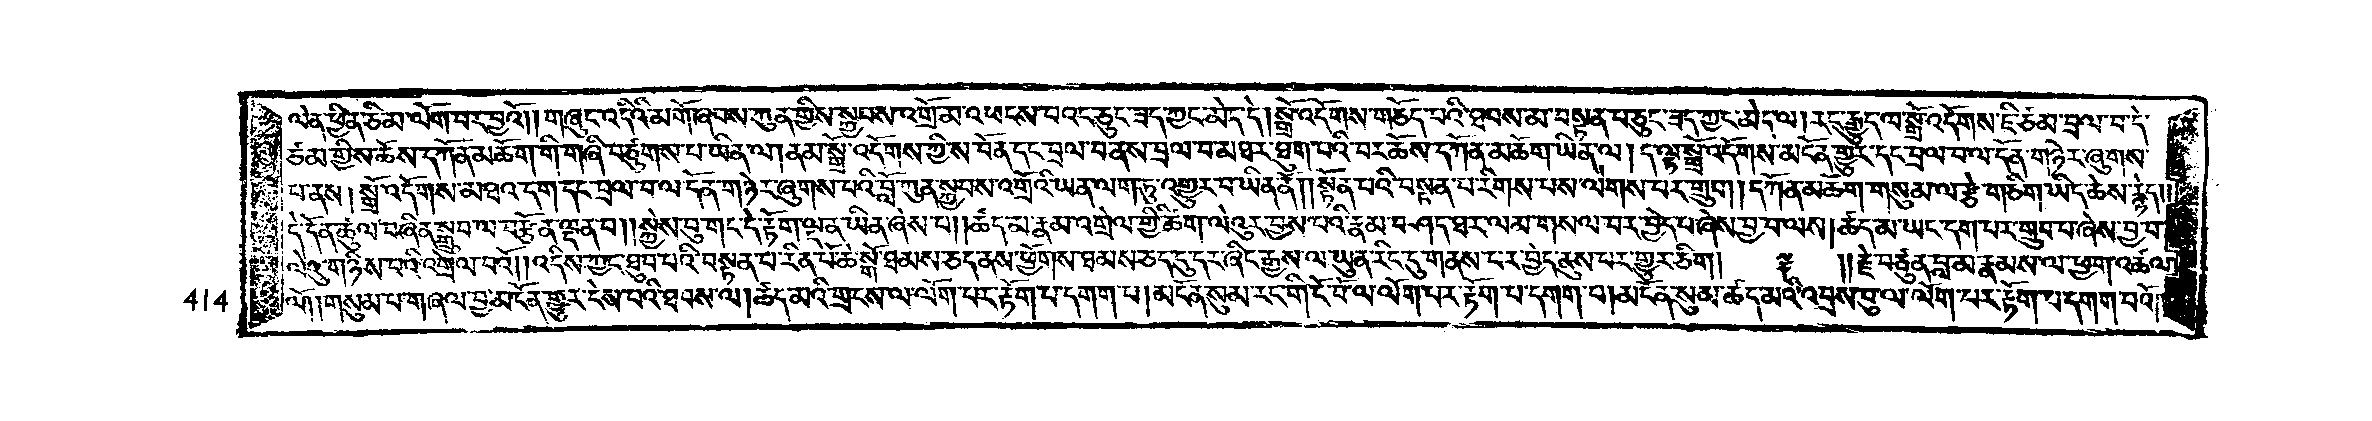ལེན་ཕྱིན་ཅི་མ་ལོག་པར་བྱའོ། །གཞུང་འདིའི་མགོ་ཞབས་ཀུན་གྱིས་སྐྱབས་འགྲོ་མ་འཕངས་པའང་ཅུང་ཟད་ཀྱང་མེད་དེ། སྒྲོ་འདོགས་གཅོད་པའི་ཐབས་མ་བསྟན་པ་ཅུང་ཟད་ཀྱང་མེད་ལ། རང་རྒྱུད་ལ་སྒྲོ་འདོགས་ཇི་ཙམ་བྲལ་བ་དེ་
ཙམ་གྱིས་ཆོས་དཀོན་མཆོག་གི་གཞི་བཙུགས་པ་ཡིན་ལ། ནམ་སྒྲོ་འདོགས་ཀྱི་ས་བོན་དང་བྲལ་བ་ནས་བྲལ་བ་མཐར་ཐུག་པའི་བར་ཆོས་དཀོན་མཆོག་ཡིན་ལ། དེ་ལྟ་སྒྲོ་འདོགས་མངོན་གྱུར་དང་བྲལ་བ་ལ་དོན་གཉིར་ཞུགས་
པ་ནས། སྒྲོ་འདོགས་མཐའ་དག་དང་བྲལ་བ་ལ་དོན་གཉེར་ཞུགས་པའི་བློ་ཀུན་སྐྱབས་འགྲོའི་ཡན་ལག་ཏུ་འགྱུར་བ་ཡིན་ནོ། །སྟོན་པའི་བསྟན་པ་རིགས་པས་ལེགས་པར་གྲུབ། །དཀོན་མཆོག་གསུམ་ལ་རྩེ་གཅིག་ཡིད་ཆེས་རྙེད། །
དེ་དོན་ཚུལ་བཞིན་སྒྲུབ་ལ་བརྩོན་ལྡན་པ། །སྐྱེས་བུ་གང་དེ་རྟོག་ལྡན་ཡིན་ཞེས་པ། །ཚད་མ་རྣམ་འགྲེལ་གྱི་ཚིག་ལེའུར་བྱས་པའི་རྣམ་བཤད་ཐར་ལམ་གསལ་བར་བྱེད་པ་ཞེས་བྱ་བ་ལས། ཚད་མ་ཡང་དག་པར་གྲུབ་པ་ཞེས་བྱ་བ་
ལེའུ་གཉིས་པའི་འགྲེལ་བའོ། །འདིས་ཀྱང་ཐུབ་པའི་བསྟན་པ་རིན་པོ་ཆེ་སྒོ་ཐམས་ཅད་ནས་ཕྱོགས་ཐམས་ཅད་དུ་དར་ཞིང་རྒྱས་ལ་ཡུན་རིང་དུ་གནས་པར་བྱེད་ནུས་པར་གྱུར་ཅིག། ༈ །།རྗེ་བཙུན་བླ་མ་རྣམས་ལ་ཕྱག་འཚལ་
ལོ། །གསུམ་པ་གཞལ་བྱ་མངོན་གྱུར་ངེས་པའི་ཐབས་ལ། ཚད་མའི་གྲངས་ལ་ལོག་པར་རྟོག་པ་དགག་པ། མངོན་སུམ་རང་གི་ངོ་བོ་ལ་ལོག་པར་རྟོག་པ་དགག་པ། མངོན་སུམ་ཚད་མའི་འབྲས་བུ་ལ་ལོག་པར་རྟོག་པ་དགག་པའོ།